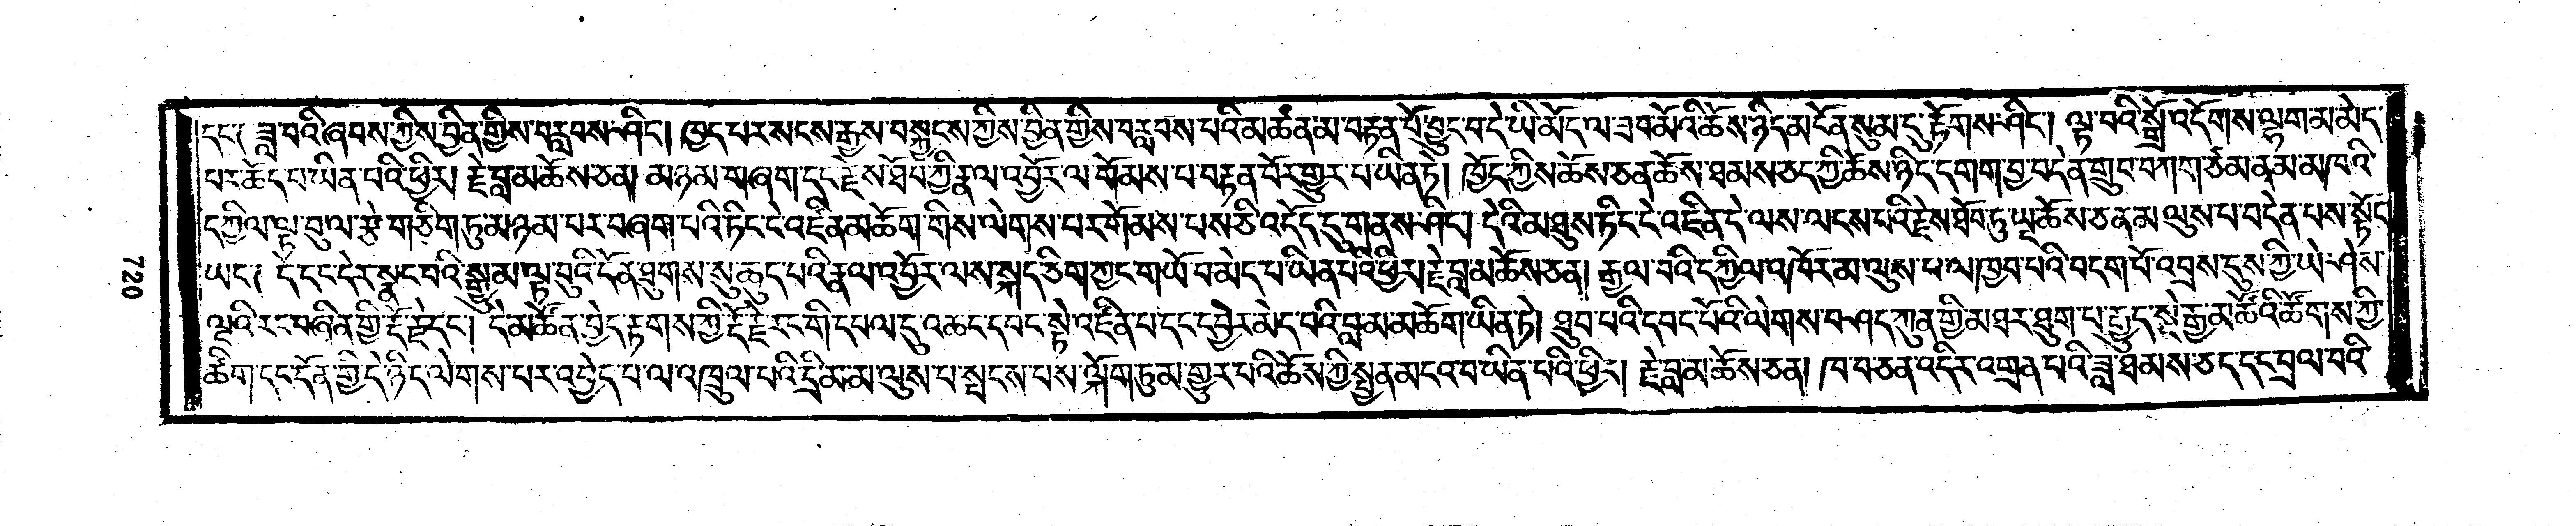དང༑ ཟླ་བའི་ཞབས་ཀྱིས་བྱིན་གྱིས་བརླབས་ཤིང་། ཁྱད་པར་སངས་རྒྱས་བསྐྱངས་ཀྱིས་བྱིན་གྱིས་བརླབས་པའི་མཚན་མ་བརྟན་པོ་བྱུང་བ་དེ་ཡི་མོད་ལ་ཟབ་མོའི་ཆོས་ཉིད་མངོན་སུམ་དུ་རྟོགས་ཤིང་། ལྟ་བའི་སྒྲོ་འདོགས་ལྷག་མ་མེད་
པར་ཆོད་པ་ཡིན་པའི་ཕྱིར། རྗེ་བླ་མ་ཆོས་ཅན། མཉམ་གཞག་དང་རྗེས་ཐོབ་ཀྱི་རྣལ་འབྱོར་ལ་གོམས་པ་བརྟན་པོར་གྱུར་པ་ཡིན་ཏེ། ཁྱོད་ཀྱིས་ཆོས་ཅན་ཆོས་ཐམས་ཅད་ཀྱི་ཆོས་ཉིད་དགག་བྱ་བདེན་གྲུབ་བཀག་ཙམ་ནམ་མཁའི་
དཀྱིལ་ལྟ་བུ་ལ་རྩེ་གཅིག་ཏུ་མཉམ་པར་བཞག་པའི་ཏིང་ངེ་འཛིན་མཆོག་གིས་ལེགས་པར་གོམས་པས་ཅི་འདོད་དུ་གནས་ཤིང་། དེའི་མཐུས་ཏིང་ངེ་འཛིན་དེ་ལས་ལངས་པའི་རྗེས་ཐོབ་ཏུ་ཡང་ཆོས་ཅན་མ་ལུས་པ་བདེན་པས་སྟོང་
ཡང༑ དེ་དང་དེར་སྣང་བའི་སྒྱུ་མ་ལྟ་བུའི་དོན་ཐུགས་སུ་ཆུད་པའི་རྣལ་འབྱོར་ལས་སྐད་ཅིག་ཀྱང་གཡོ་བ་མེད་པ་ཡིན་པའི་ཕྱིར། རྗེ་བླ་མ་ཆོས་ཅན། རྒྱལ་བའི་དཀྱིལ་འཁོར་མ་ལུས་པ་ལ་ཁྱབ་པའི་བདག་པོ་འབྲས་དུས་ཀྱི་ཡེ་ཤེ་
ལྔའི་རང་བཞིན་གྱི་རྡོ་རྗེ་དང་། དེ་མཚོན་བྱེད་རྟགས་ཀྱི་རྡོ་རྗེ་རང་གི་དཔལ་དུ་འཆང་དབང་སྟེ་འཛིན་པ་དང་དབྱེར་མེད་པའི་བླ་མ་མཆོག་ཡིན་ཏེ། ཐུབ་པའི་དབང་པོའི་ལེགས་བཤད་ཀུན་གྱི་མཐར་ཐུག་པ་རྒྱུད་སྡེ་རྒྱ་མཚོའི་ཚོགས་ཀྱི་
ཚིག་དང་དོན་གྱི་དེ་ཉིད་ལེགས་པར་འབྱེད་པ་ལ་འཁྲུལ་བའི་དྲི་མ་མ་ལུས་པ་སྤངས་པས་ལྐོག་ཏུ་མ་གྱུར་པའི་ཆོས་ཀྱི་སྤྱན་མངའ་བ་ཡིན་པའི་ཕྱིར། རྗེ་བླ་མ་ཆོས་ཅན། ཁ་བ་ཅན་འདིར་འགྲན་པའི་ཟླ་ཐམས་ཅད་དང་བྲལ་བའི་